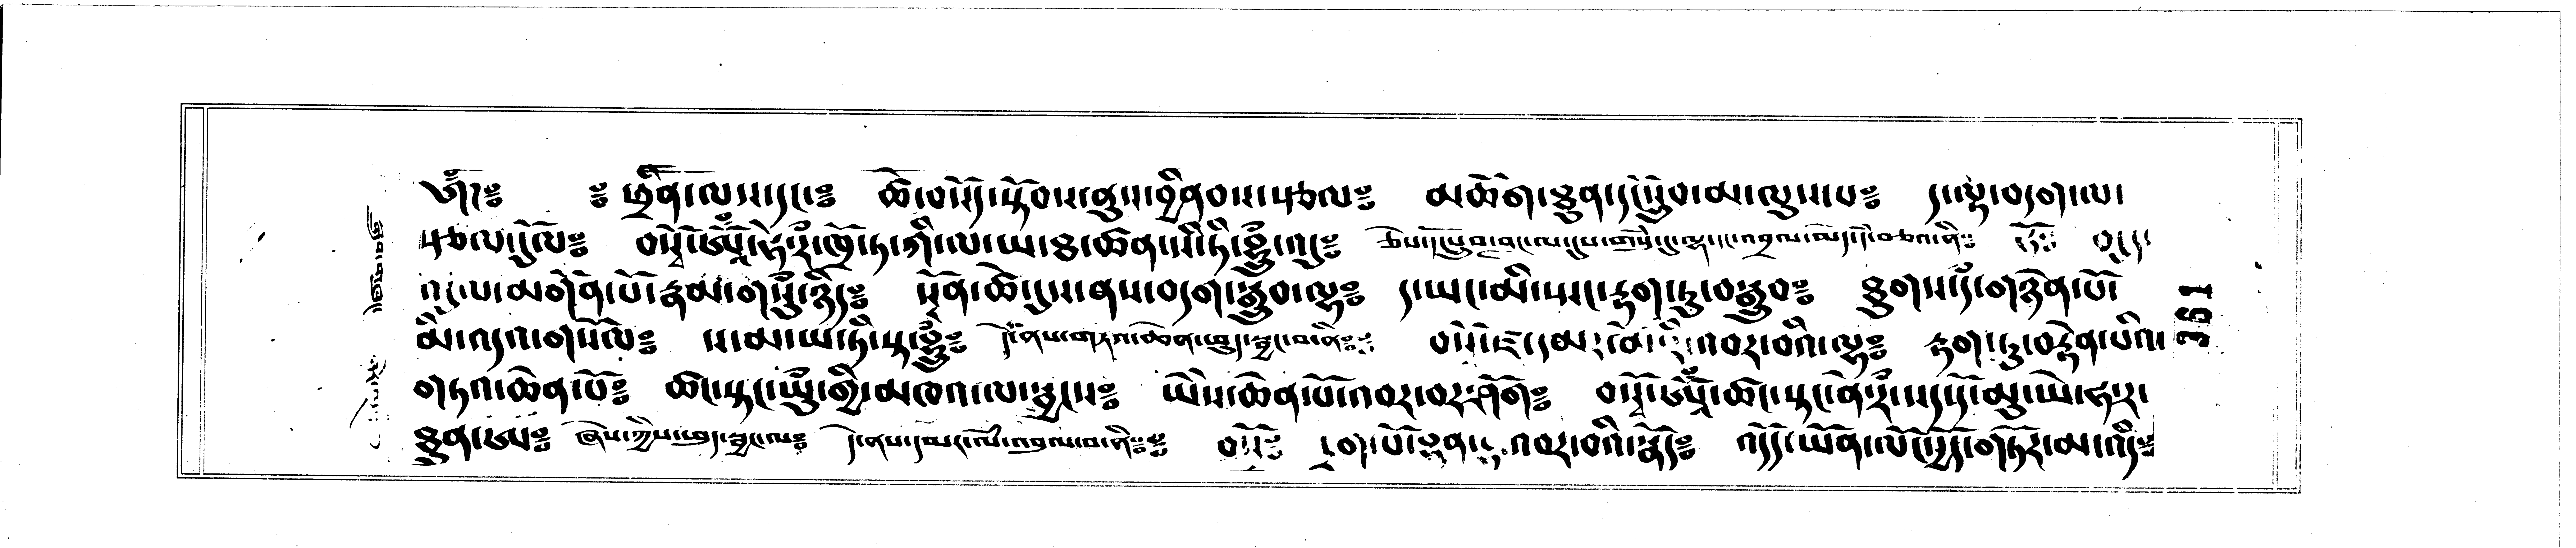ཕྲིན་ལས་དང་༔ ཚེ་བསོད་སྟོབས་ནུས་བྱིན་རླབས་སྩལ༔ མཆོག་ཐུན་དངོས་གྲུབ་མ་ལུས་པ༔ ད་ལྟ་བདག་ལ་
སྩལ་དུ་གསོལ༔ བསྭོ་ཨཱོྃ་ཧེ་རམ་ཁྲོ་ཏ་ཀི་ལ་ཡ་ཐ་ཚན་སི་ཏི་བྷྲུཾ་འདུ༔ ཅེས་དངོས་གྲུབ་བླང་ལ་དུས་གསུམ་དུ་ལྷ་དང་འབྲལ་མེད་དམ་བཅའ་ནི༔ ཧོ༔ བདུད་
འདུལ་མགོན་པོ་རྣམ་གསུམ་ཉིད༔ སྔོན་ཚེ་དུས་ནས་བདག་སྒྲུབ་ལྷ༔ ད་ཡང་མི་སྤང་རྟག་ཏུ་བསྒྲུབ༔ ཐུགས་དམ་གཉེན་པོ་
མི་འདའ་གསོལ༔ ས་མ་ཡ་ཏི་སྟ་བྷྲུཾ༔ དེ་ནས་གཏའ་ཆེན་ཕུད་སྦྱང་བ་ནི༔༔ བསྭོ་ཛྭ་དམར་མེ་རི་འབར་བའི་ལྷ༔ རྟག་ཏུ་བརྟེན་པའི་
གཏའ་ཆེན་པོ༔ ཚང་སྟང་ཡུམ་གྱི་མཁའ་ལ་སྦྱངས༔ ཡེ་ཤེས་ཆེན་པོ་འབར་བར་ཤོག༔ བསྭོ་ཨཱོཾ་ཚང་སྟང་ནེ་རཾ་སད་དོ་མུ་ཡེ་ཧ་ར་
ཐུན་ཨ༔ ཞེས་ཀྱིས་ཕུད་སྦྱང་ལ༔ དེ་ནས་དམར་ལམ་འབུལ་བ་ནི༔༔ བསྭོ༔ དྲག་པོ་བྷན་དྷ་འབར་བའི་སྣོད༔ འདོད་ཡོན་ལོངས་སྤྱོད་གཏོར་མ་འདི༔